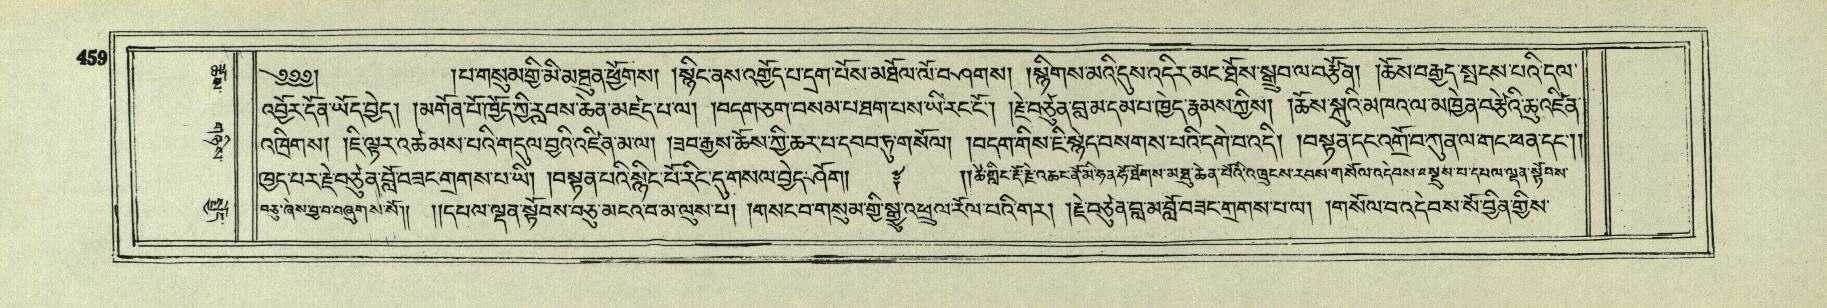༄༅༅། །པ་གསུམ་གྱི་མི་མཐུན་ཕྱོགས། །སྙིང་ནས་འགྱོད་པ་དྲག་པོས་མཐོལ་ལོ་བཤགས། །སྙིགས་མའི་དུས་འདིར་མང་ཐོས་སྒྲུབ་ལ་བརྩོན། །ཆོས་བརྒྱད་སྤངས་པའི་དལ་
འབྱོར་དོན་ཡོད་བྱེད། །མགོན་པོ་ཁྱོད་ཀྱི་རླབས་ཆེན་མཛད་པ་ལ། །བདག་ཅག་བསམ་པ་ཐག་པས་ཡི་རང་ངོ། །རྗེ་བཙུན་བླ་མ་དམ་པ་ཁྱེད་རྣམས་ཀྱིས། །ཆོས་སྐུའི་མཁའ་ལ་མཁྱེན་བརྩེའི་ཆུ་འཛིན་
འཁྲིགས། །ཇི་ལྟར་འཚམས་པའི་གདུལ་བྱའི་འཛིན་མ་ལ། །ཟབ་རྒྱས་ཆོས་ཀྱི་ཆར་པ་དབབ་ཏུ་གསོལ། །བདག་གིས་ཇི་སྙེད་བསགས་པའི་དགེ་བ་འདི། །བསྟན་དང་འགྲོ་བ་ཀུན་ལ་གང་ཕན་དང་། །
ཁྱད་པར་རྗེ་བཙུན་བློ་བཟང་གྲགས་པ་ཡི། །བསྟན་པའི་སྙིང་པོ་རིང་དུ་གསལ་བྱེད་ཤོག། འ་།།ཚེ་གླིང་རྡོ་རྗེ་འཆང་ནོ་མི་ཧན་ཧོ་ཐོགས་མཐུ་ཆེན་པོའི་འཁྲུངས་རབས་གསོལ་འདེབས་བསྡུས་པ་དཔལ་ལྡན་སྟོབས་
བཅུ་ཞེས་བྱ་བ་བཞུགས་སོ།། །།དཔལ་ལྡན་སྟོབས་བཅུ་མངའ་བ་མ་ལུས་པ། །གསང་བ་གསུམ་གྱི་སྒྱུ་འཕྲུལ་རོལ་པའི་གར། །རྗེ་བཙུན་བླ་མ་བློ་བཟང་གྲགས་པ་ལ། །གསོལ་བ་འདེབས་སོ་བྱིན་གྱིས་